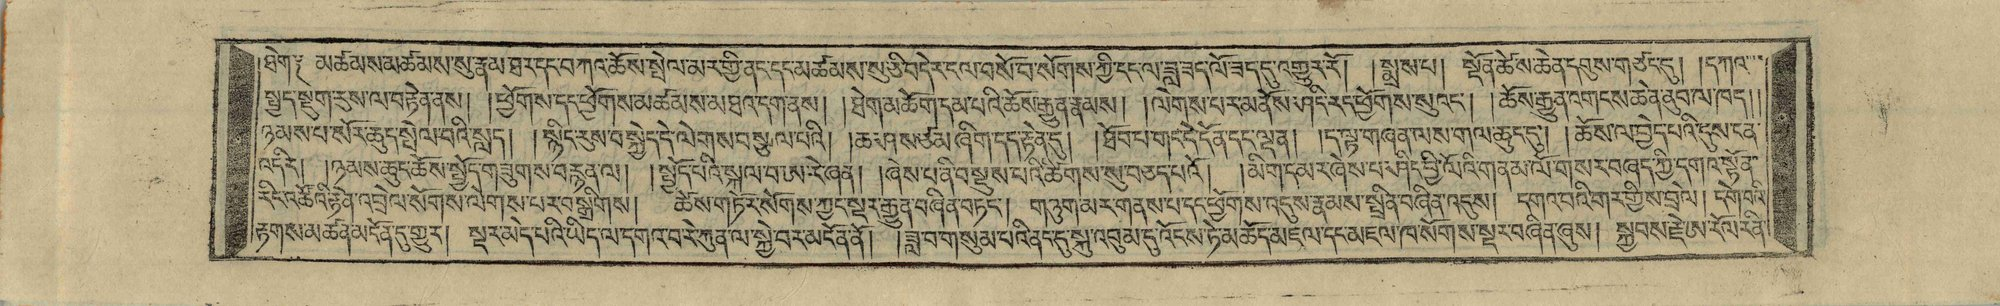ཐེག །མཚམས་མཚམས་སུ་རྣམ་ཐར་དང་བཀའ་ཆོས་སྤེལ་མར་གྱི་ནང་དང་མཚམས་སུ་ཅི་བདེར་ངལ་བསོ་བ་སོགས་ཀྱི་ངང་ལ་ཟླ་ཟད་ལོ་ཟད་དུ་འགྱུར་རོ། །སྨྲས་པ། སྔོན་ཚེ་ས་ཆེན་དབུས་གཙང་དུ། །དཀའ་
སྤྱོད་?་འཇུག་?་རུས་ལ་བརྟེན་ནས། །ཕྱོགས་དང་ཕྱོགས་མཚམས་མཐའ་དག་ནས། །ཐེག་མཆོག་དམ་པའི་ཆོས་རྒྱུན་རྣམས། །ལེགས་པར་མནོས་ཤིང་རང་ཕྱོགས་སུའང་། །ཆོས་རྒྱུན་འགངས་ཆེན་ནུབ་ལ་ཁད། །
ཉམས་པ་སོར་ཆུད་སྤེལ་བའི་སླད། །སྙིང་རུས་བསྐྱེད་དེ་ལེགས་བསྩལ་པའི། །ཆ་ཤས་ཙམ་ཞིག་དད་རྟེན་དུ། །ཐོབ་པ་གང་དེ་དོན་དང་ལྡན། །ད་ལྟ་གཞན་ལས་གལ་ཆུང་དུ། །ཆོས་ལ་བྱེད་པའི་དུས་ངན་
འདིར། །ཉམས་ཆུང་ཆོས་སྤྱོད་གཟུགས་བརྙན་ལ། །སྤྱོད་པའི་སྐལ་བ་ཨ་རེ་ཞན། །ཞེས་པ་ནི་བསྡུས་པའི་ཚིགས་སུ་བཅད་པའོ། །མིག་དམར་ཞེས་པ་ཤིང་བྱི་ལོའི་གནམ་ལོ་གསར་བཞད་ཀྱི་དགའ་སྟོན་
རིང་འཚོའི་རྟེན་འབྲེལ་སོགས་ལེགས་པར་བསྒྲིགས། ཚེས་གཏོར་སོགས་ཀྱང་སྔར་རྒྱུན་བཞིན་བཏང་། གཉུག་མར་གནས་པ་དང་ཕྱོགས་འདུས་རྣམས་སྤྲིན་བཞིན་འདུས། དགའ་བའི་གར་གྱིས་བྲེལ། དགེ་བའི་
རྟགས་མཚན་མངོན་དུ་གྱུར། སྔར་མེད་པའི་ཡིད་ལ་དགའ་བ་རེ་ཀུན་ལ་སྐྱེ་བར་མངོན་ནོ། །ཟླ་བ་གསུམ་པའི་ནང་དུ་སྐུ་འབུམ་དུ་འོངས་ཏེ་མཆོད་མཇལ་དང་མཇལ་ཁ་སོགས་སྔར་བཞིན་ཞུས། སྐྱབས་རྗེ་ཨ་རོལ་རིན་